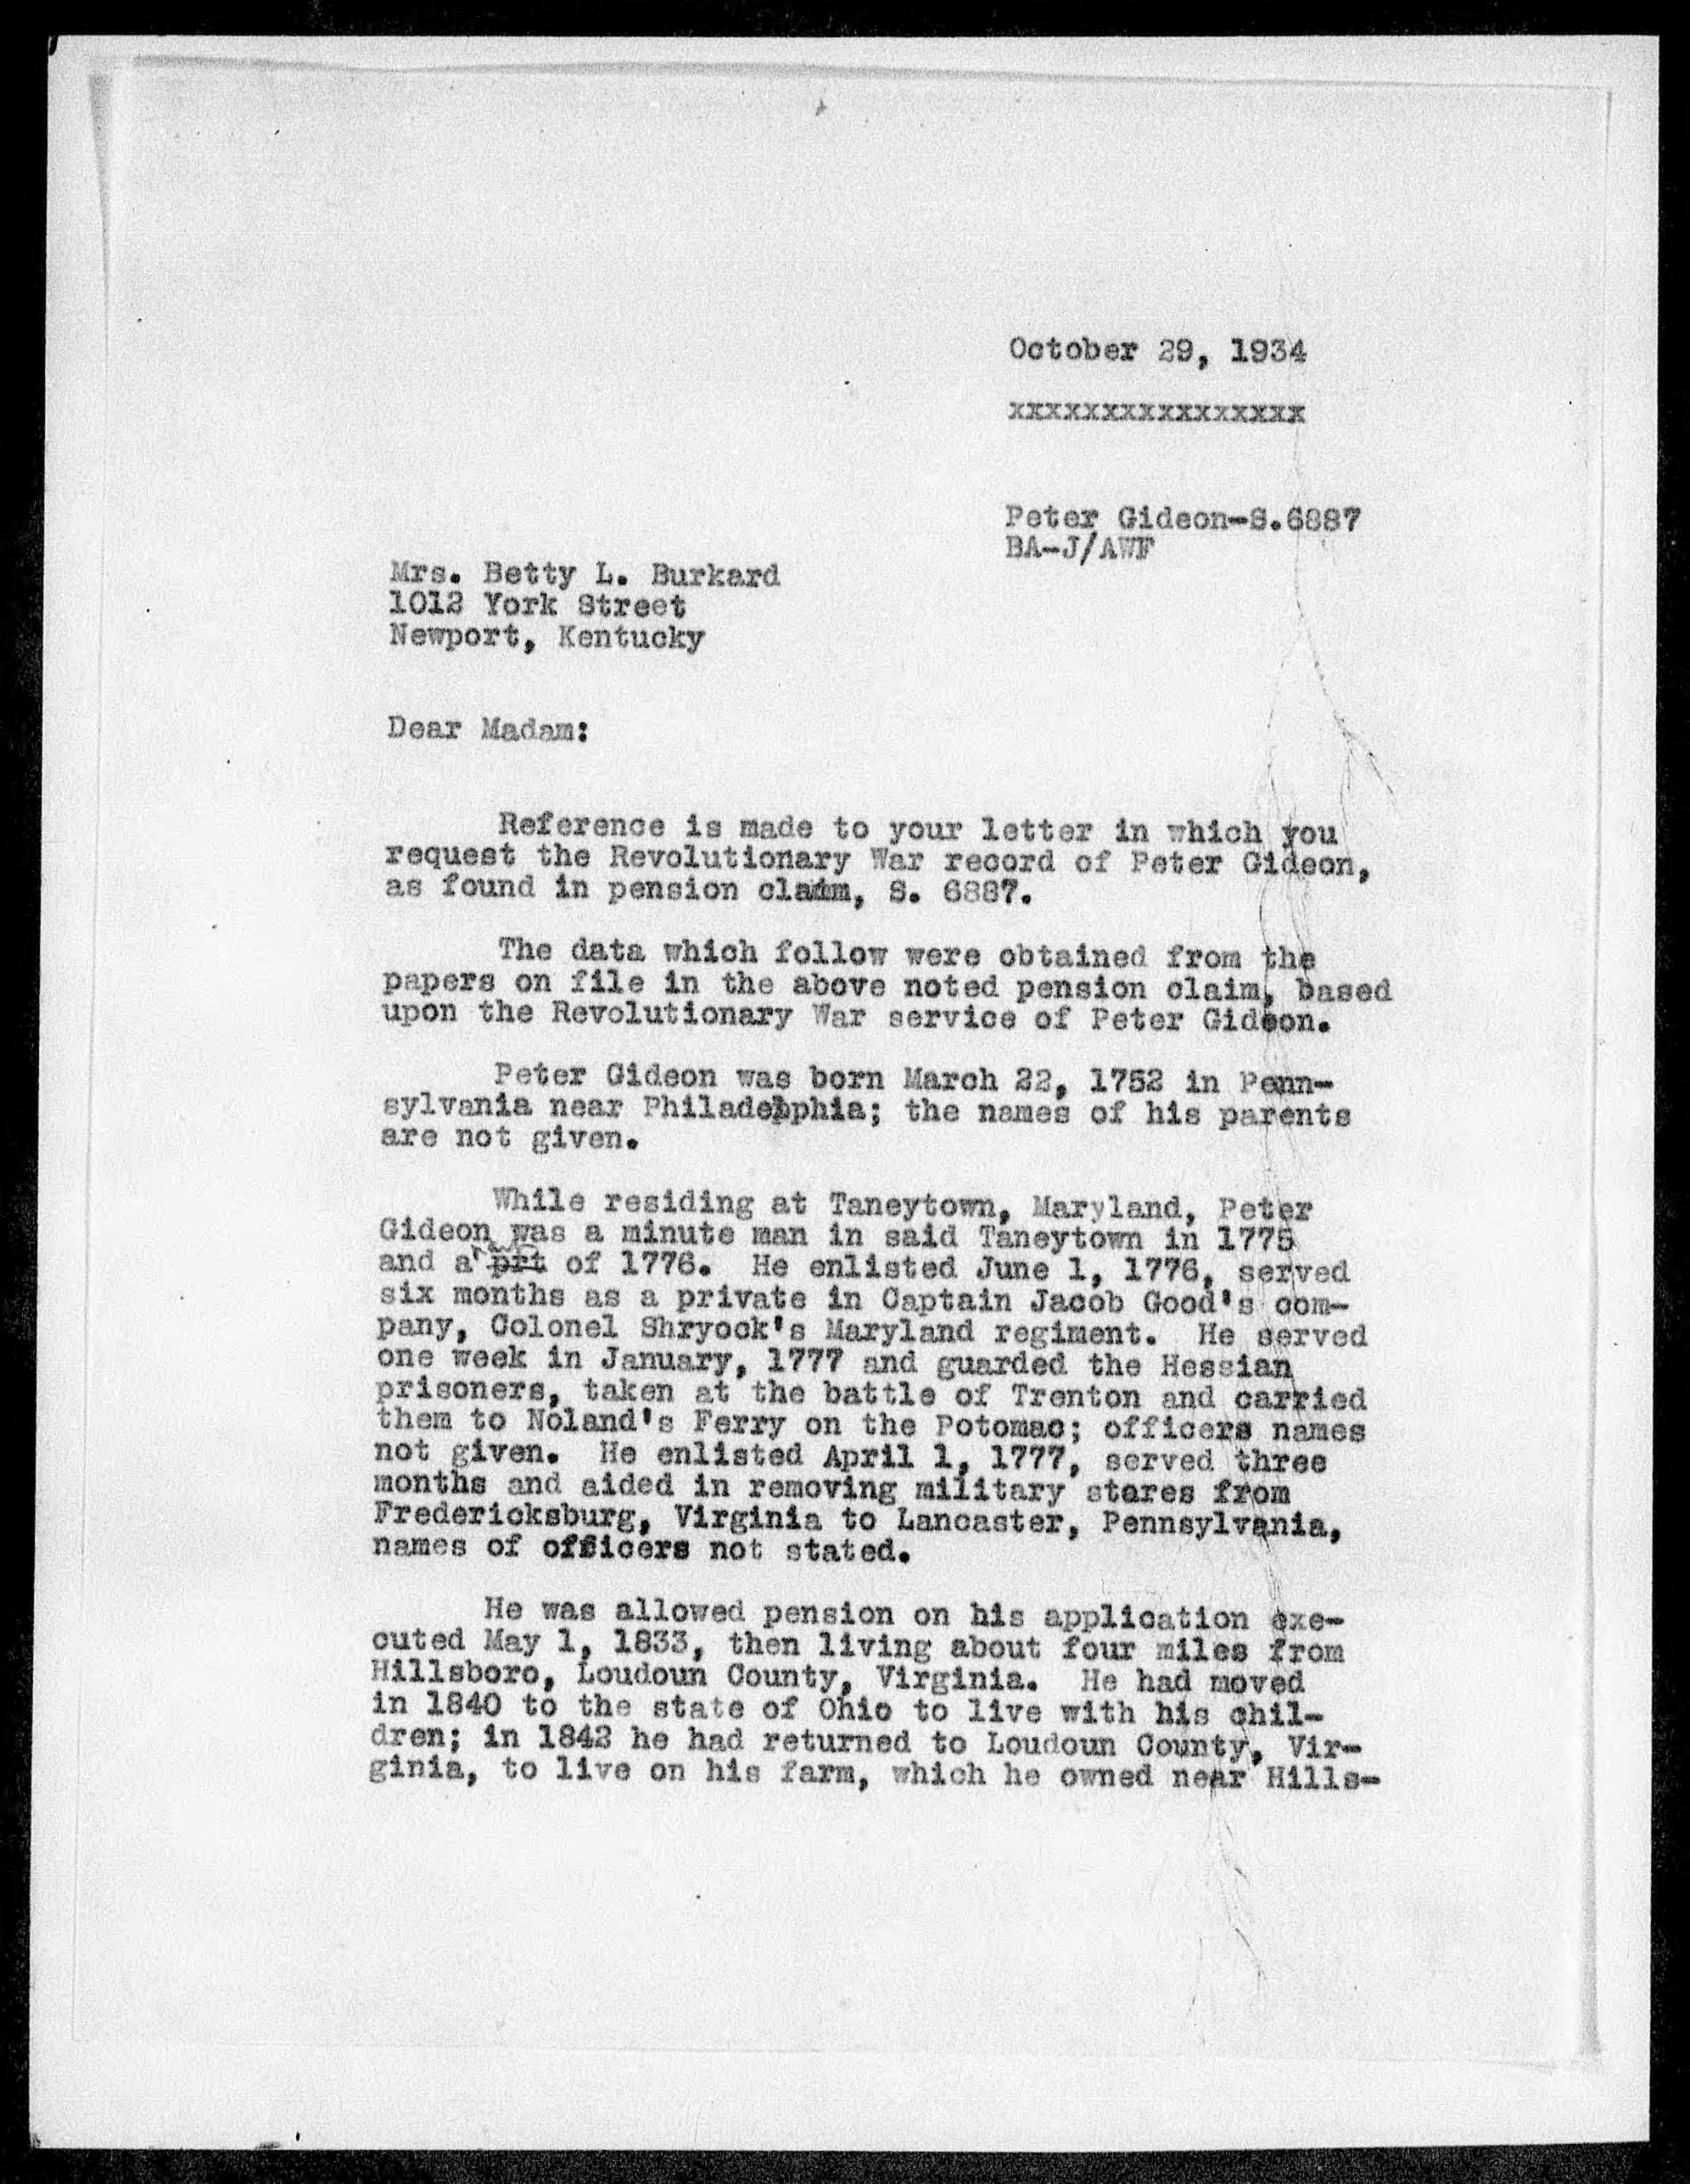October 29, 1934
XXXXXXXXXXXXXXXX
Peter Gideon-S.6887
BA-J/AWF

Mrs. Betty L. Burkard
1012 York Street
Newport, Kentucky

Dear Madam:

Reference is made to your letter in which you
request the Revolutionary War record of Peter Gideon, as found in pension claim, S. 6887.

The data which follow were obtained from the
papers on file in the above noted pension claim, based upon the Revolutionary War service of Peter Gideon.

Peter Gideon was born March 22, 1752 in Pennsylvania near Philadelphia; the names of his parents are not given.

While residing at Taneytown, Maryland, Peter
Gideon was a minute man in said Taneytown in 177 and a part of 1776. He enlisted June 1, 1776, served six months as a private in Captain Jacob Good's company, Colonel Shryock's Maryland regiment. He served one week in January, 1777 and guarded the Hessian prisoners, taken at the battle of Trenton and carried them to Noland's Ferry on the Potomac; officers names
not given. He enlisted April 1, 1777, served three
months and aided in removing military stores from Fredericksburg, Virginia to Lancaster, Pennsylvania, names of officers not stated.

He was allowed pension on his application executed May 1, 1833, then living about four miles from Hillsboro, Loudoun County, Virginia. He had moved in 1840 to the state of Ohio to live with his children; in 1842 he had returned to Loudoun County, Virginia, to live on his farm, which he owned near Hillsboro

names: Peter Gideon, Peter Gideon, Peter Gideon, Peter Gideon, Betty L Burkard, Peter Gideon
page: 54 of 64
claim: survivor's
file: S. 6887, Peter Gideon, Md.